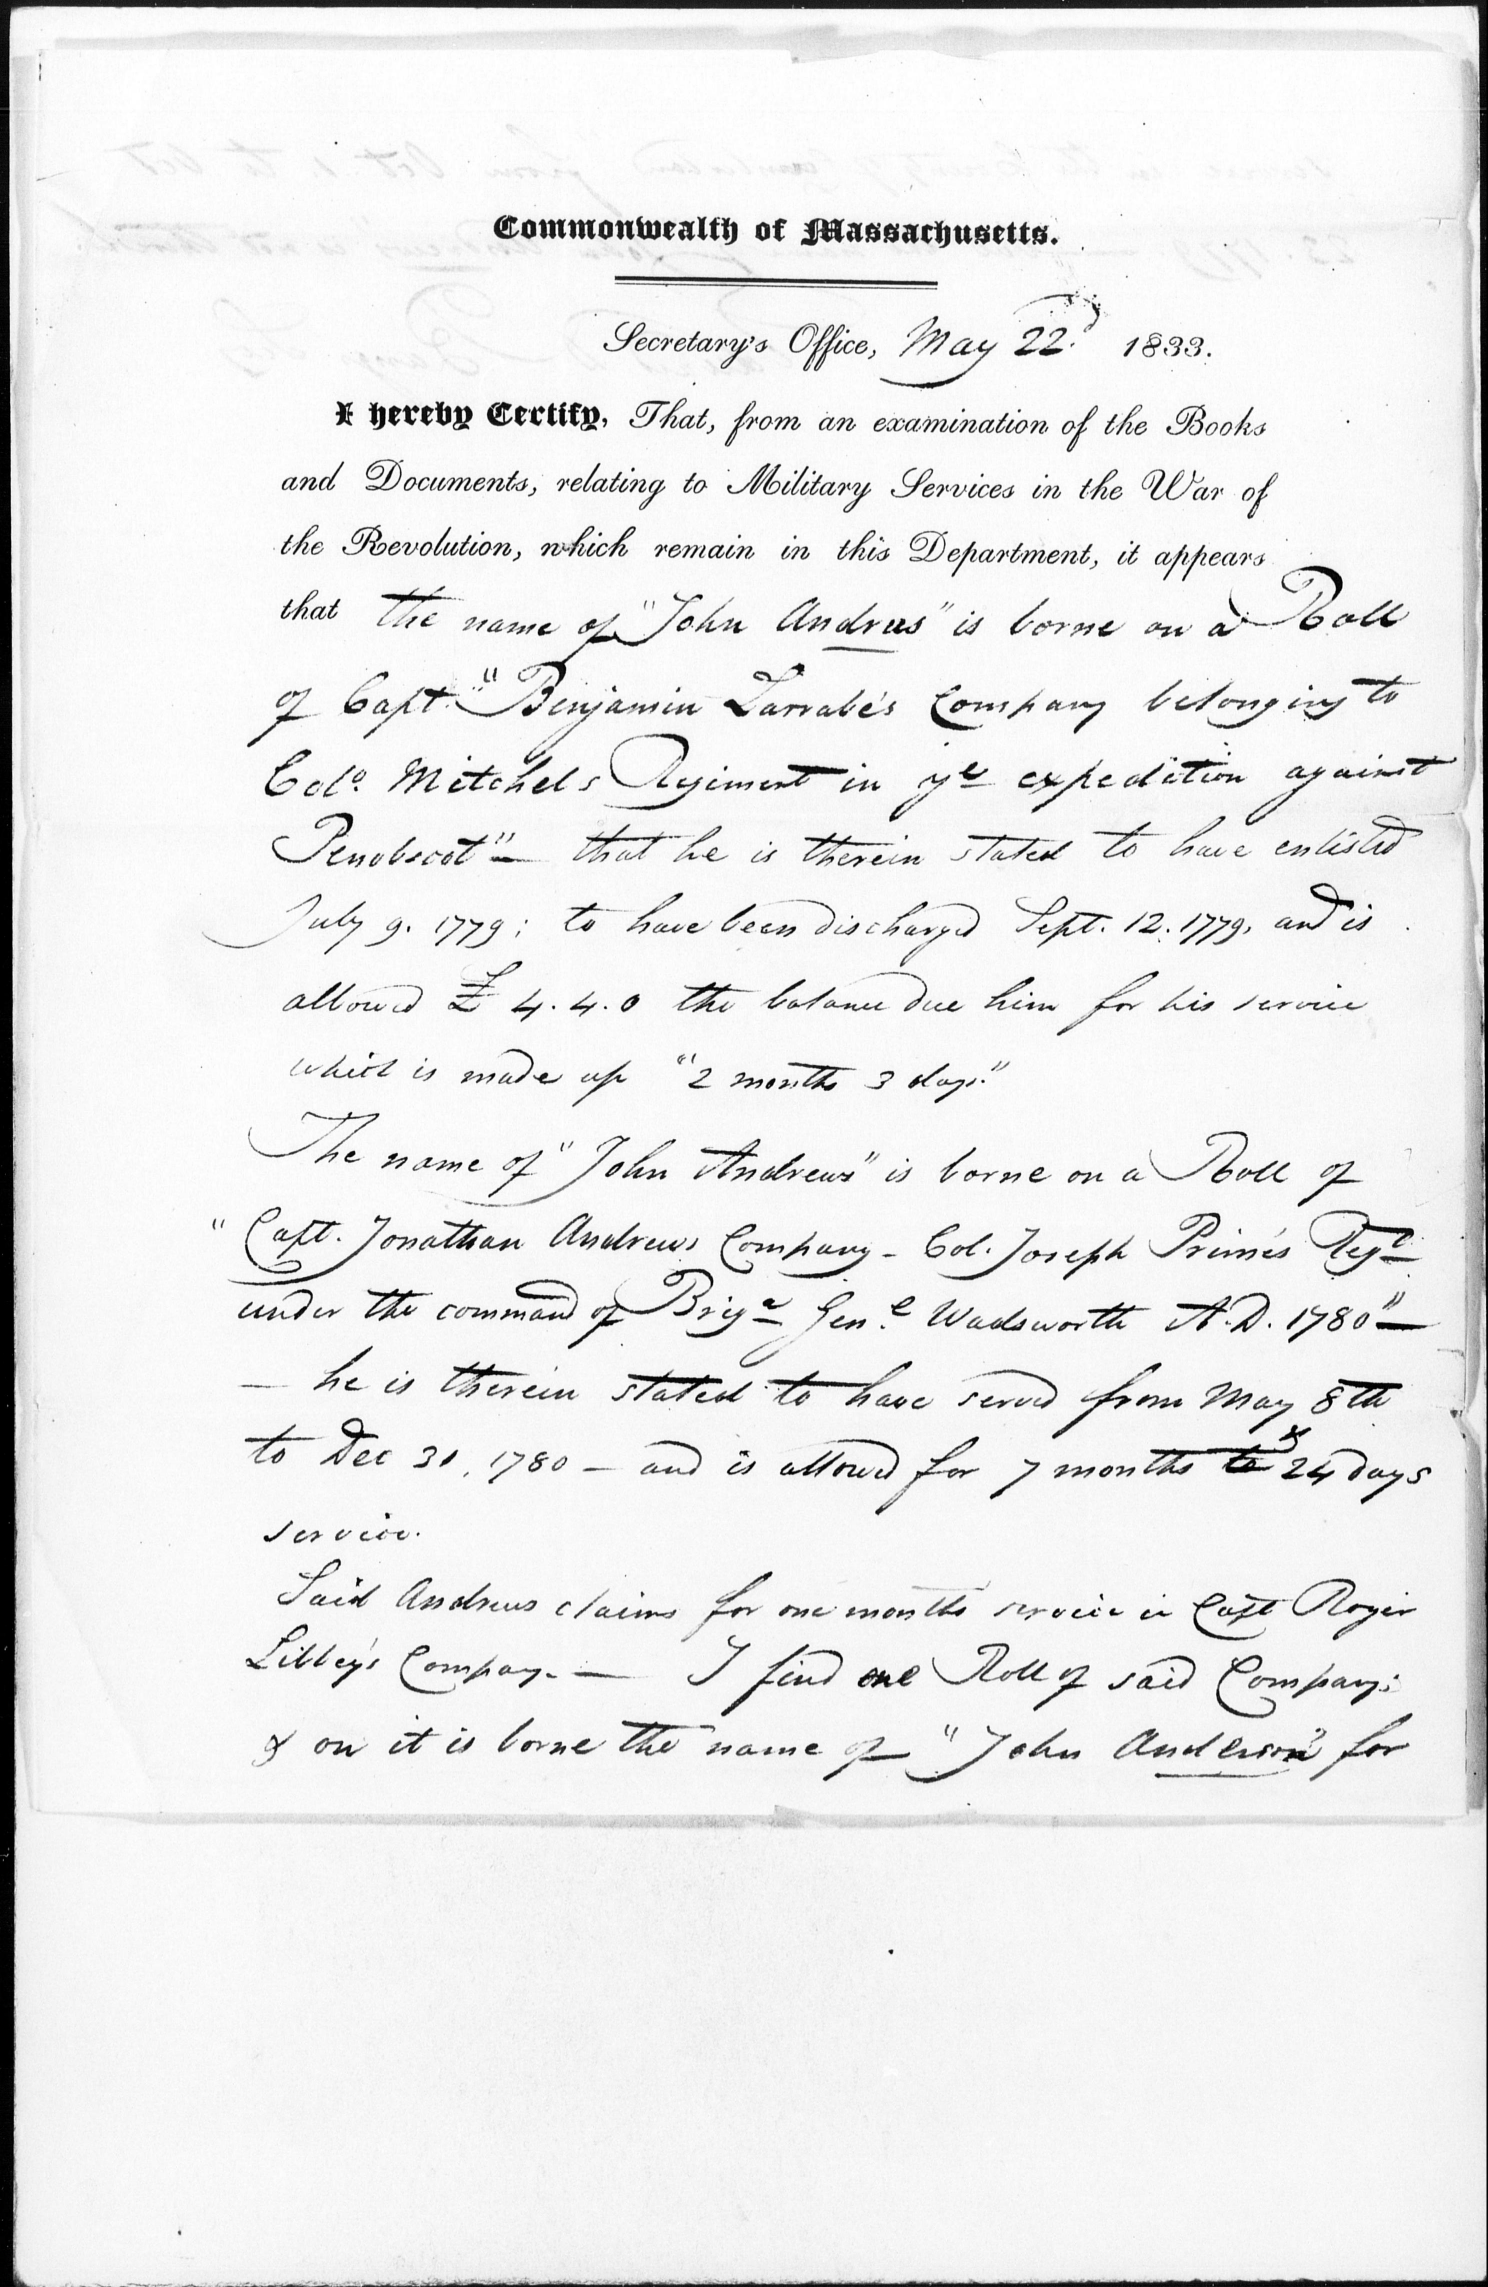Commonwealth of Massachusetts - 

Secretary's Office, May 22d 1833

 I hereby Certify, That, from an examination of the Books and Documents, relating to Military Services in the War of the Revolution, which remain in this Department, it appears that the name of "John Andrus is borne on a Roll of  Capt Benjamin Larrabee's Company belonging to Col Mitchels Regiment in ye expedition against - Penobscot, - that he is therein stated to have enlisted . July 9. 1779; to have been discharged Sept. 12, 1779, and is allowed $4.40 the balance due him for his service which is made up 2 months 3 day.

The name of "John Andrews" is borne on a Roll of Capt. Jonathan Andrews Company -Col. Joseph Primus Rgt. under the command of Brig. Gen. Wadsworth A. D. 1780 - he is therein stated to have served from May 8th to Dec 31. 1780- and is allowed for 7 months to 24 days Service 

Said Andrews claims for one months service in Capt Roger Libbey's Company.  I find one Roll of said Company & on it is borne the name of John Anderson for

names: John Andreus, John Andrews, John Andrus, Jonathan Andrews, Andrus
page: 18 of 23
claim: widow's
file: W. 1693, John Andrews, Mass.